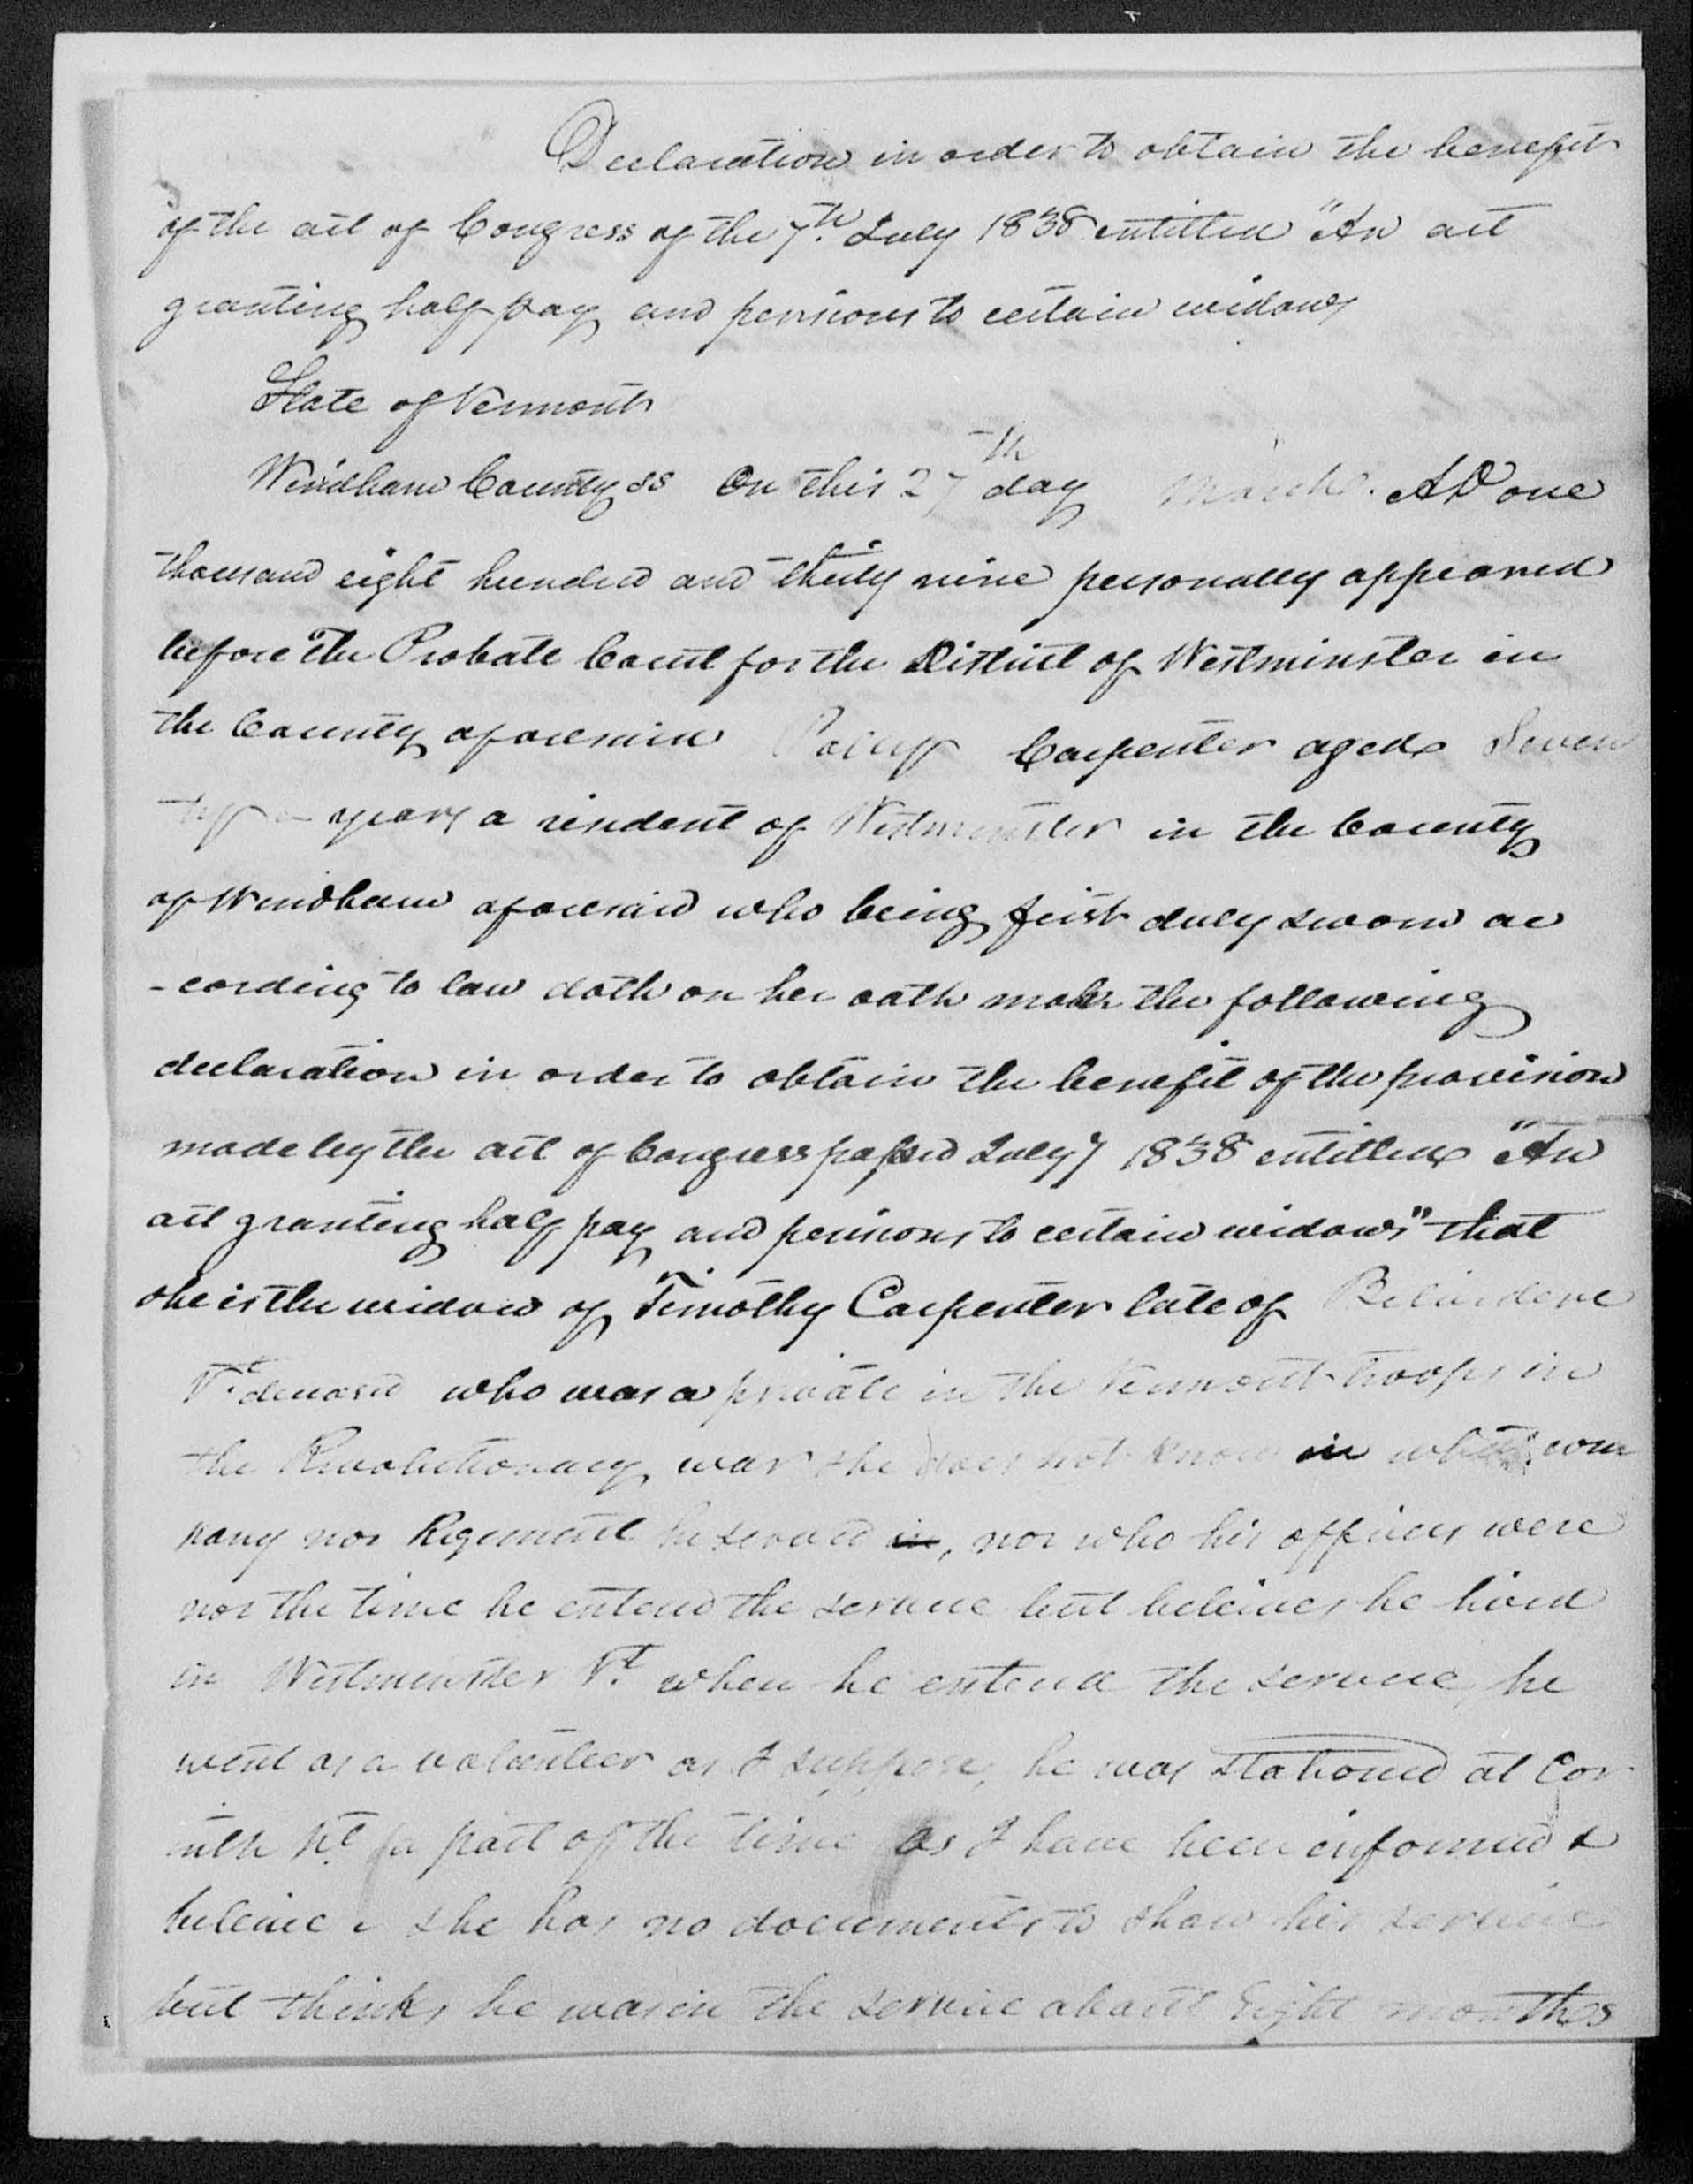Declaration in order to obtain the benefit of the act of Congress of the 3th July 1838 entitled "An act granting half pay and pensions to certain widows 
State of Vermont
Windham County ss On this 27th day March AD one thousand eight hundred and thirty nine personally appeared before The Probate Court for the District of Westminster in the County aforesaid Polly Carpenter aged Seventy years a resident of Westminster in the County of Windham aforesaid who being first duly sworn according to law doth on her oath make the following declaration in order to obtain the benefit of the provision made by the act of Congress passed July 7 1838 entitled "An act granting half pay and pensions to certain widows" that she is the widow of Timothy Carpenter late of Belvidere Vt deceased who was a private in the Vermont troops in the Revolutionary war + he does not know in what company nor Regiment he served ['in' crossed out], nor who his officers were nor the time he entered the service but beleives he lived in Westminster Vt. when he entered the service he went as a volunteer as I suppose, he was stationed at Corinth Vt. for part of the time as I have been informed & beleive & she has no documents to show his service but thinks he was in the service about Eight months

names: Timothy Carpenter, Polly Carpenter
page: 3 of 41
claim: widow's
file: W. 15627, Timothy Carpenter, Vt.